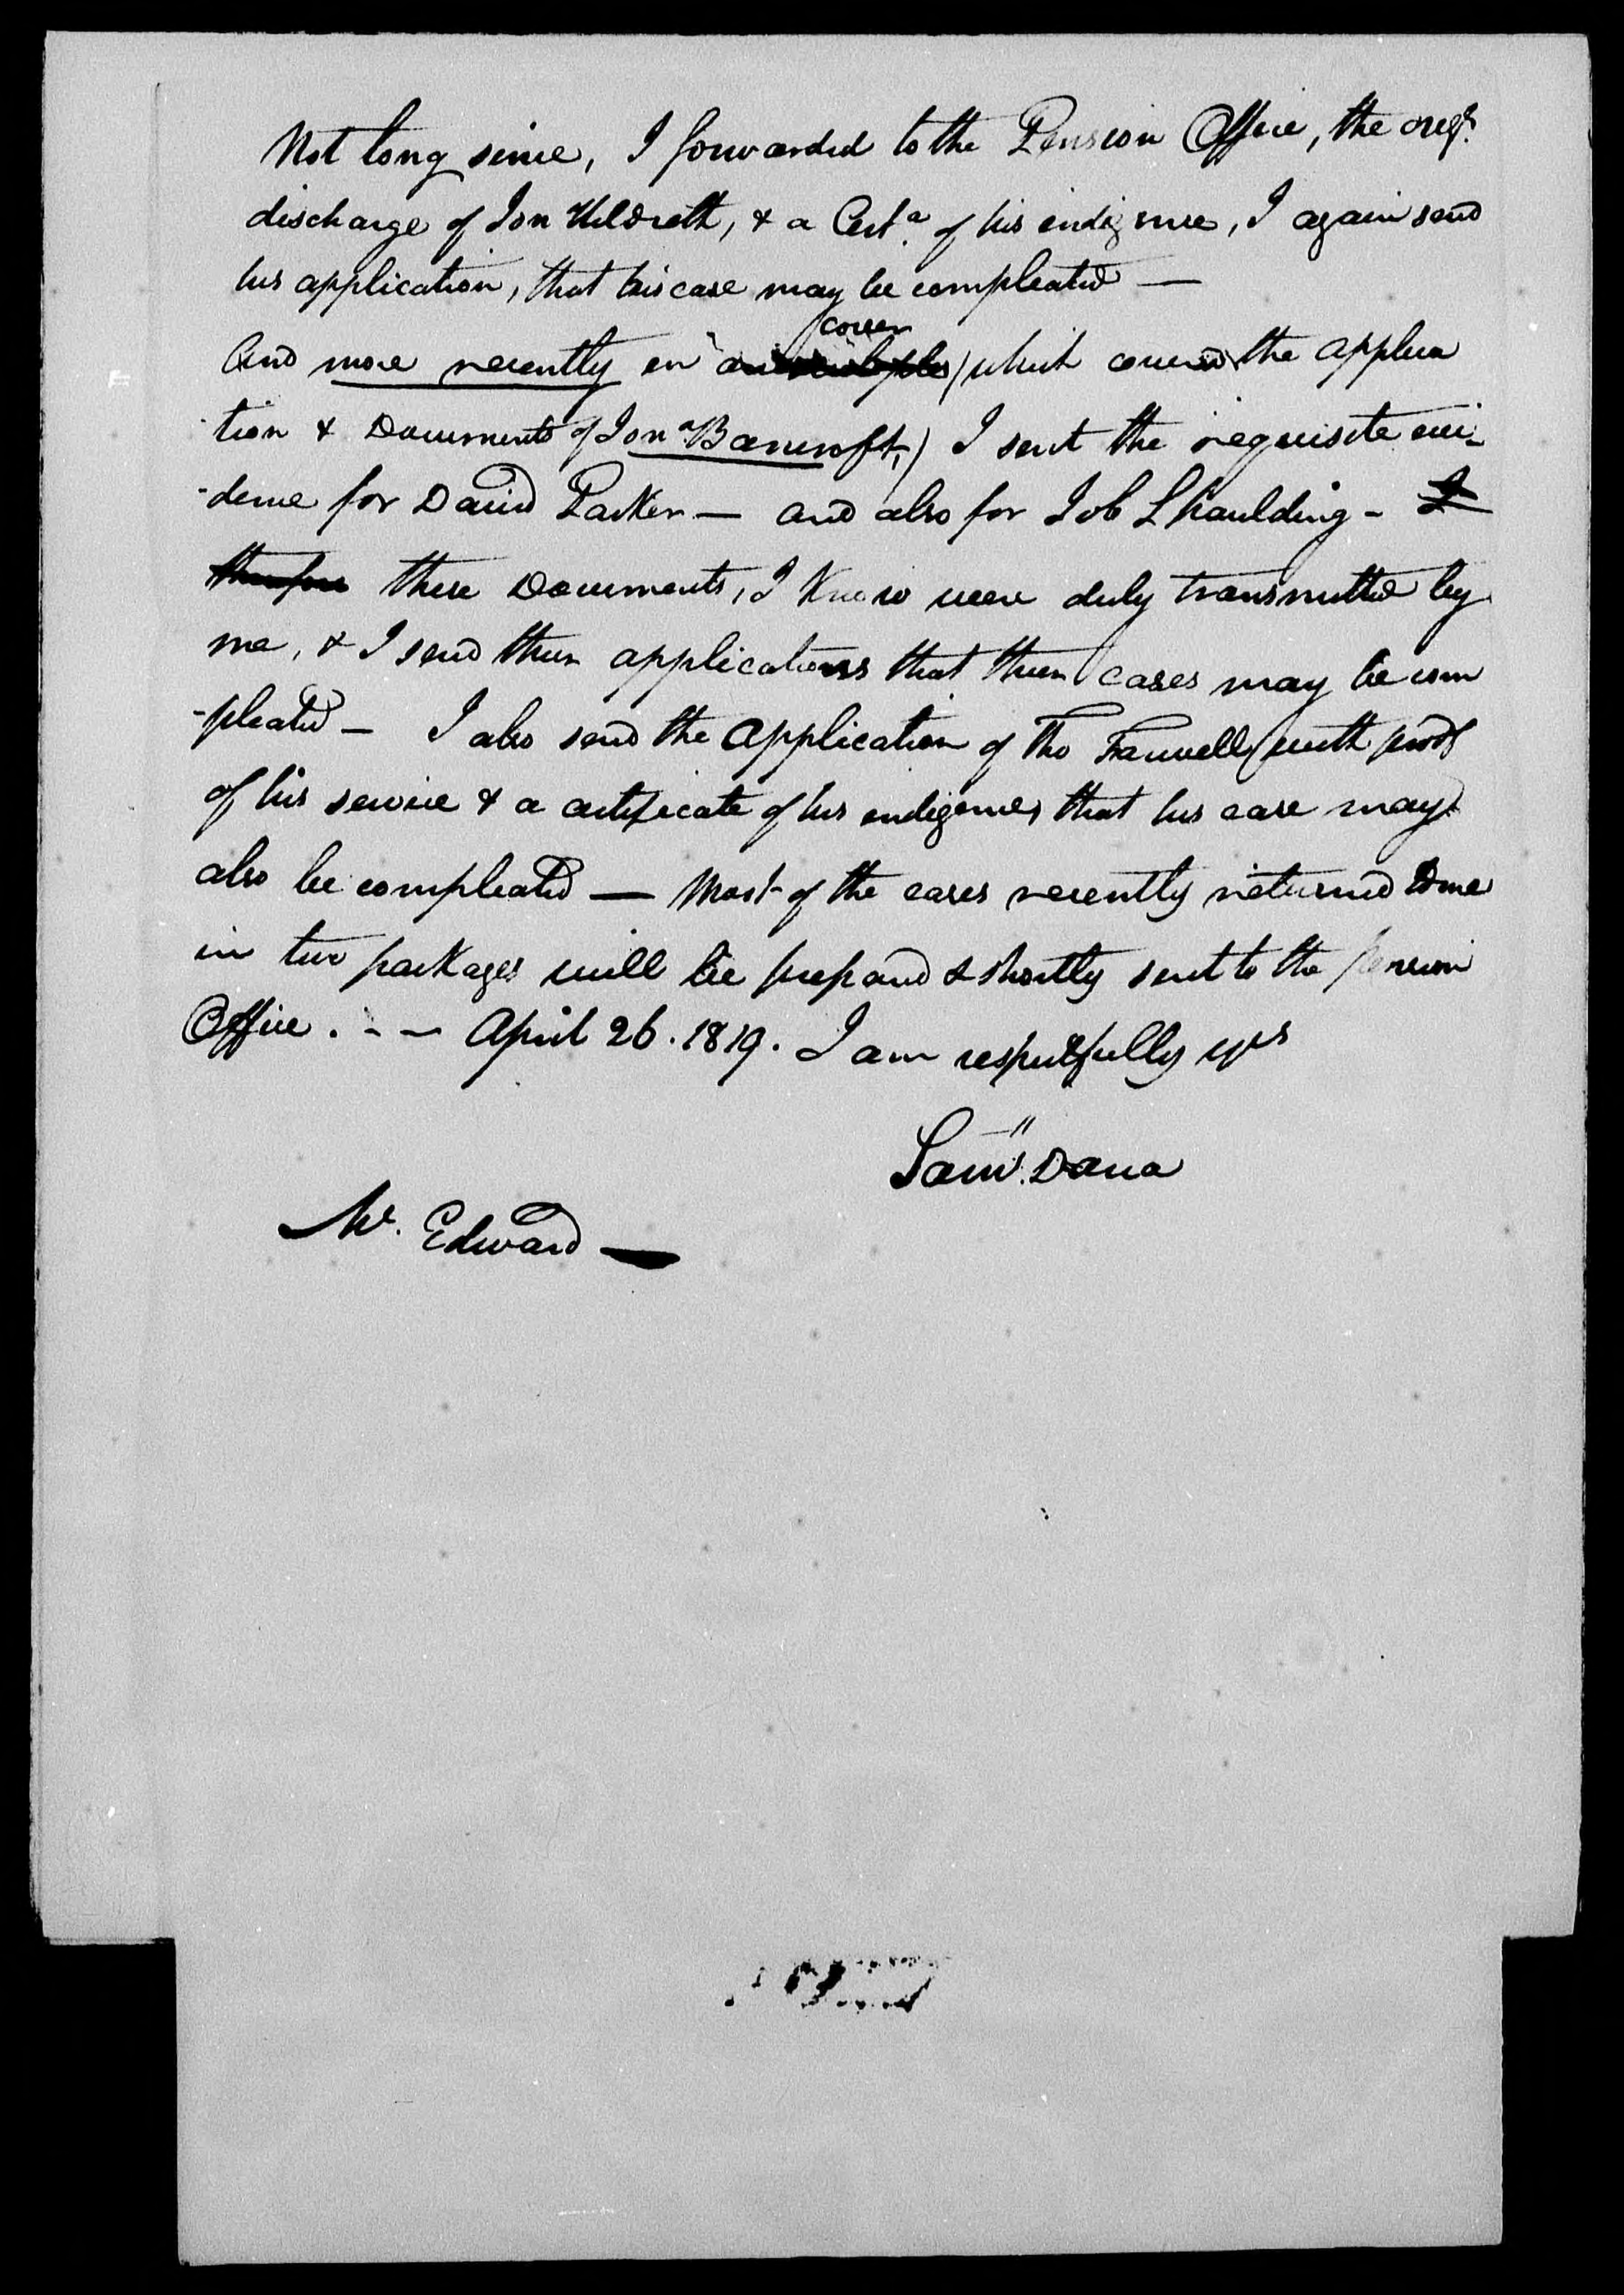Not long since, I forwarded to the Pension Office, the regs. discharge of Jon Hildreth, & a Cert of his indignace, I again send his application, that his case may be completed-
And more recently [more recently is underlined] in [scribbled out] crse, (which [illegible] the application & Documents of Jon Bancroft [Jon Bancroft is underlined],) I sent the requisite evidence for David Parker- and also for Job Spaulding- [scribbled out] these Documents, I know were duly transmitted by me, & I send their applications that their cases may be completed- I also send the application of Tho Farwell with proof of his service & a certificate of his indigince, that his case may also be completed- Most of the cases recently returned [illegible] in two packages will be prepared & shortly sent to the pension Office. - April 26. 1819. I am respectfully [illegible]
Sam. Dana
W. Edward-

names: Saml Dana, Tho Farwell, Daniel Parker, Job Spaulding, Jona Bancroft, Edward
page: 15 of 18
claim: survivor's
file: S. 34,831, Thomas Farwell, Conn.